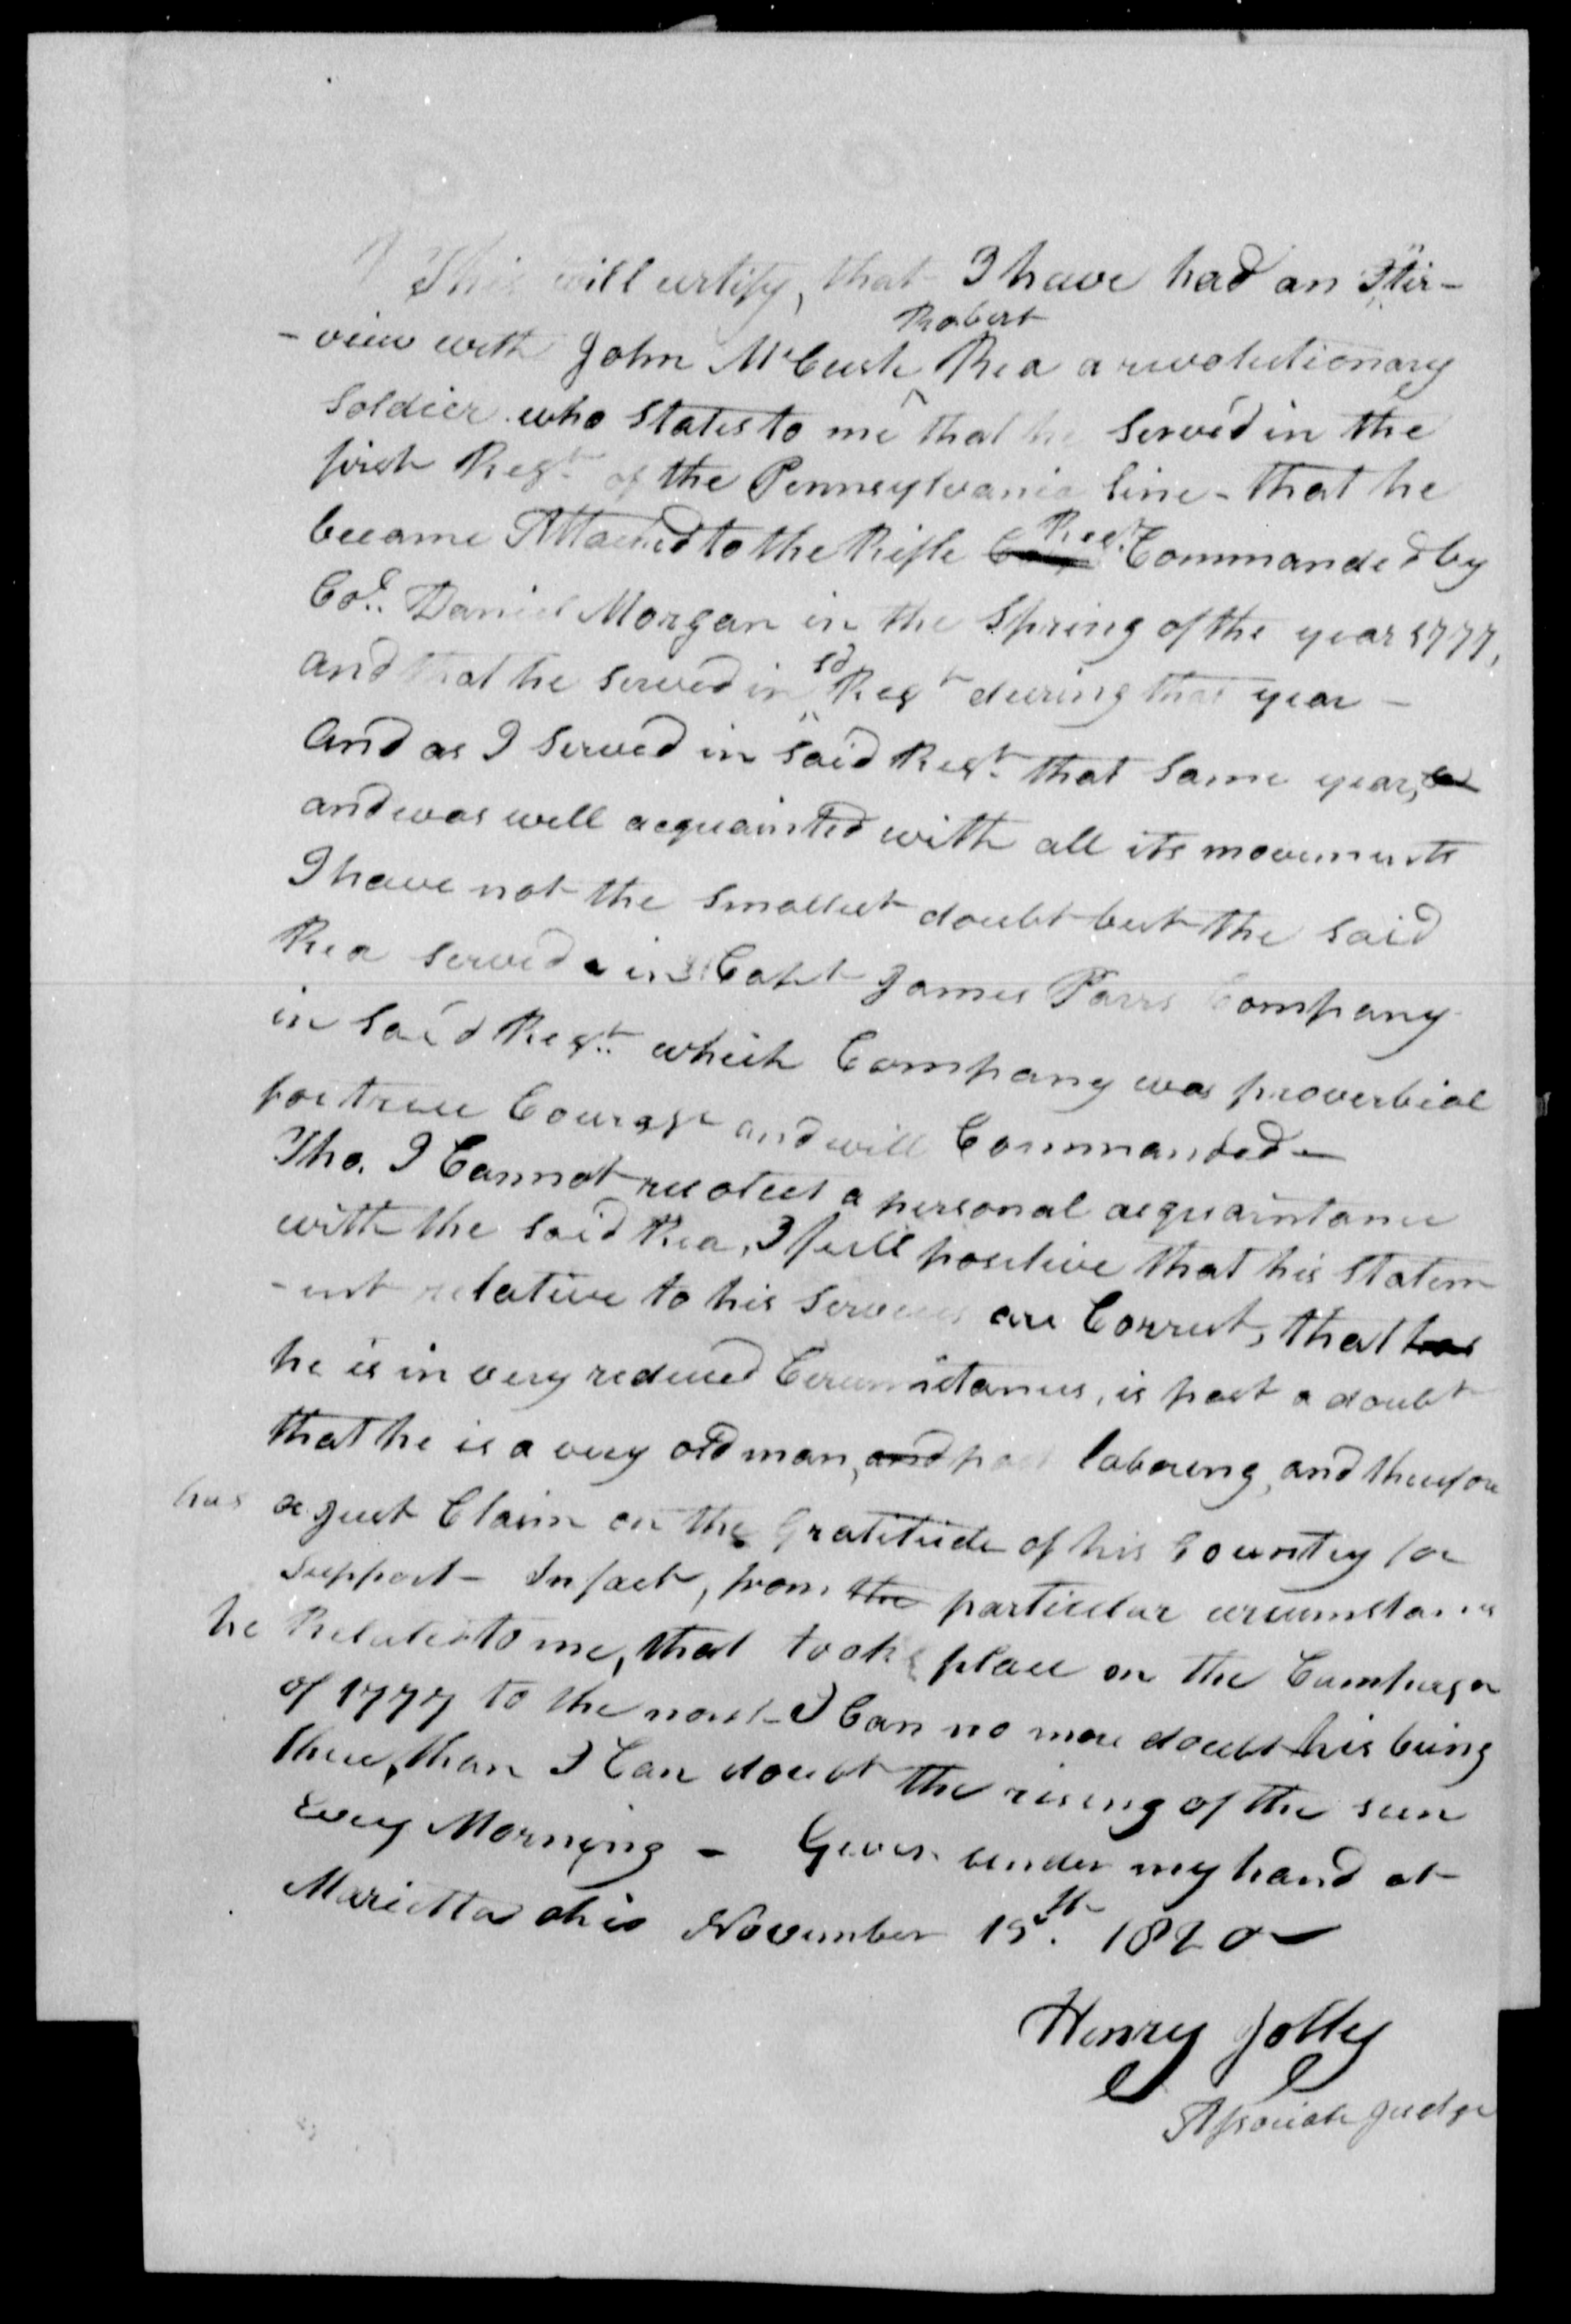This will certify that I have had an interview with John McCush Robert Ray a revolutionary soldier who states to me that he Served in the first Regt of the Pennsylvania line. That he became attached to the Rifle Regt Commanded by Col. Daniel Morgan in the Spring of the year 1777, and that he served in that Regt that same year, and as I served in said Regt that same year, and was acquainted with all its movements I have not the smallest doubt but the said Rae served in Capt James Parrs Company in said Regt which Company was proverbial for true Courage and will Commanded - Tho I cannot recollect a personal acquaintance with the said Rea, I feel positive that his statement relative to his services are Correct, that he is in very reduced Circumstances, is past a doubt that he is a very old man, past laboring, and therefore has a just Claim on the Gratitude of his Country for support - In fact, from particular circumstance he related to me, that took place on the Campaign of 1777 to the to the north I can no more doubt his being there than I can doubt the rising of the sun Every Morning - Given under my hand at Marietta this November 15th 1820
Henry Jolly
Associate Judge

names: Tho [BLANK]; Robert Rea; [BLANK] Rea; Daniel Morgan; Henry Jolly; John Mc Cush; [BLANK] Rea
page: 17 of 20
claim: survivor's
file: S. 40,990, for John Mc Cush Robert Ray, Pennsylvania